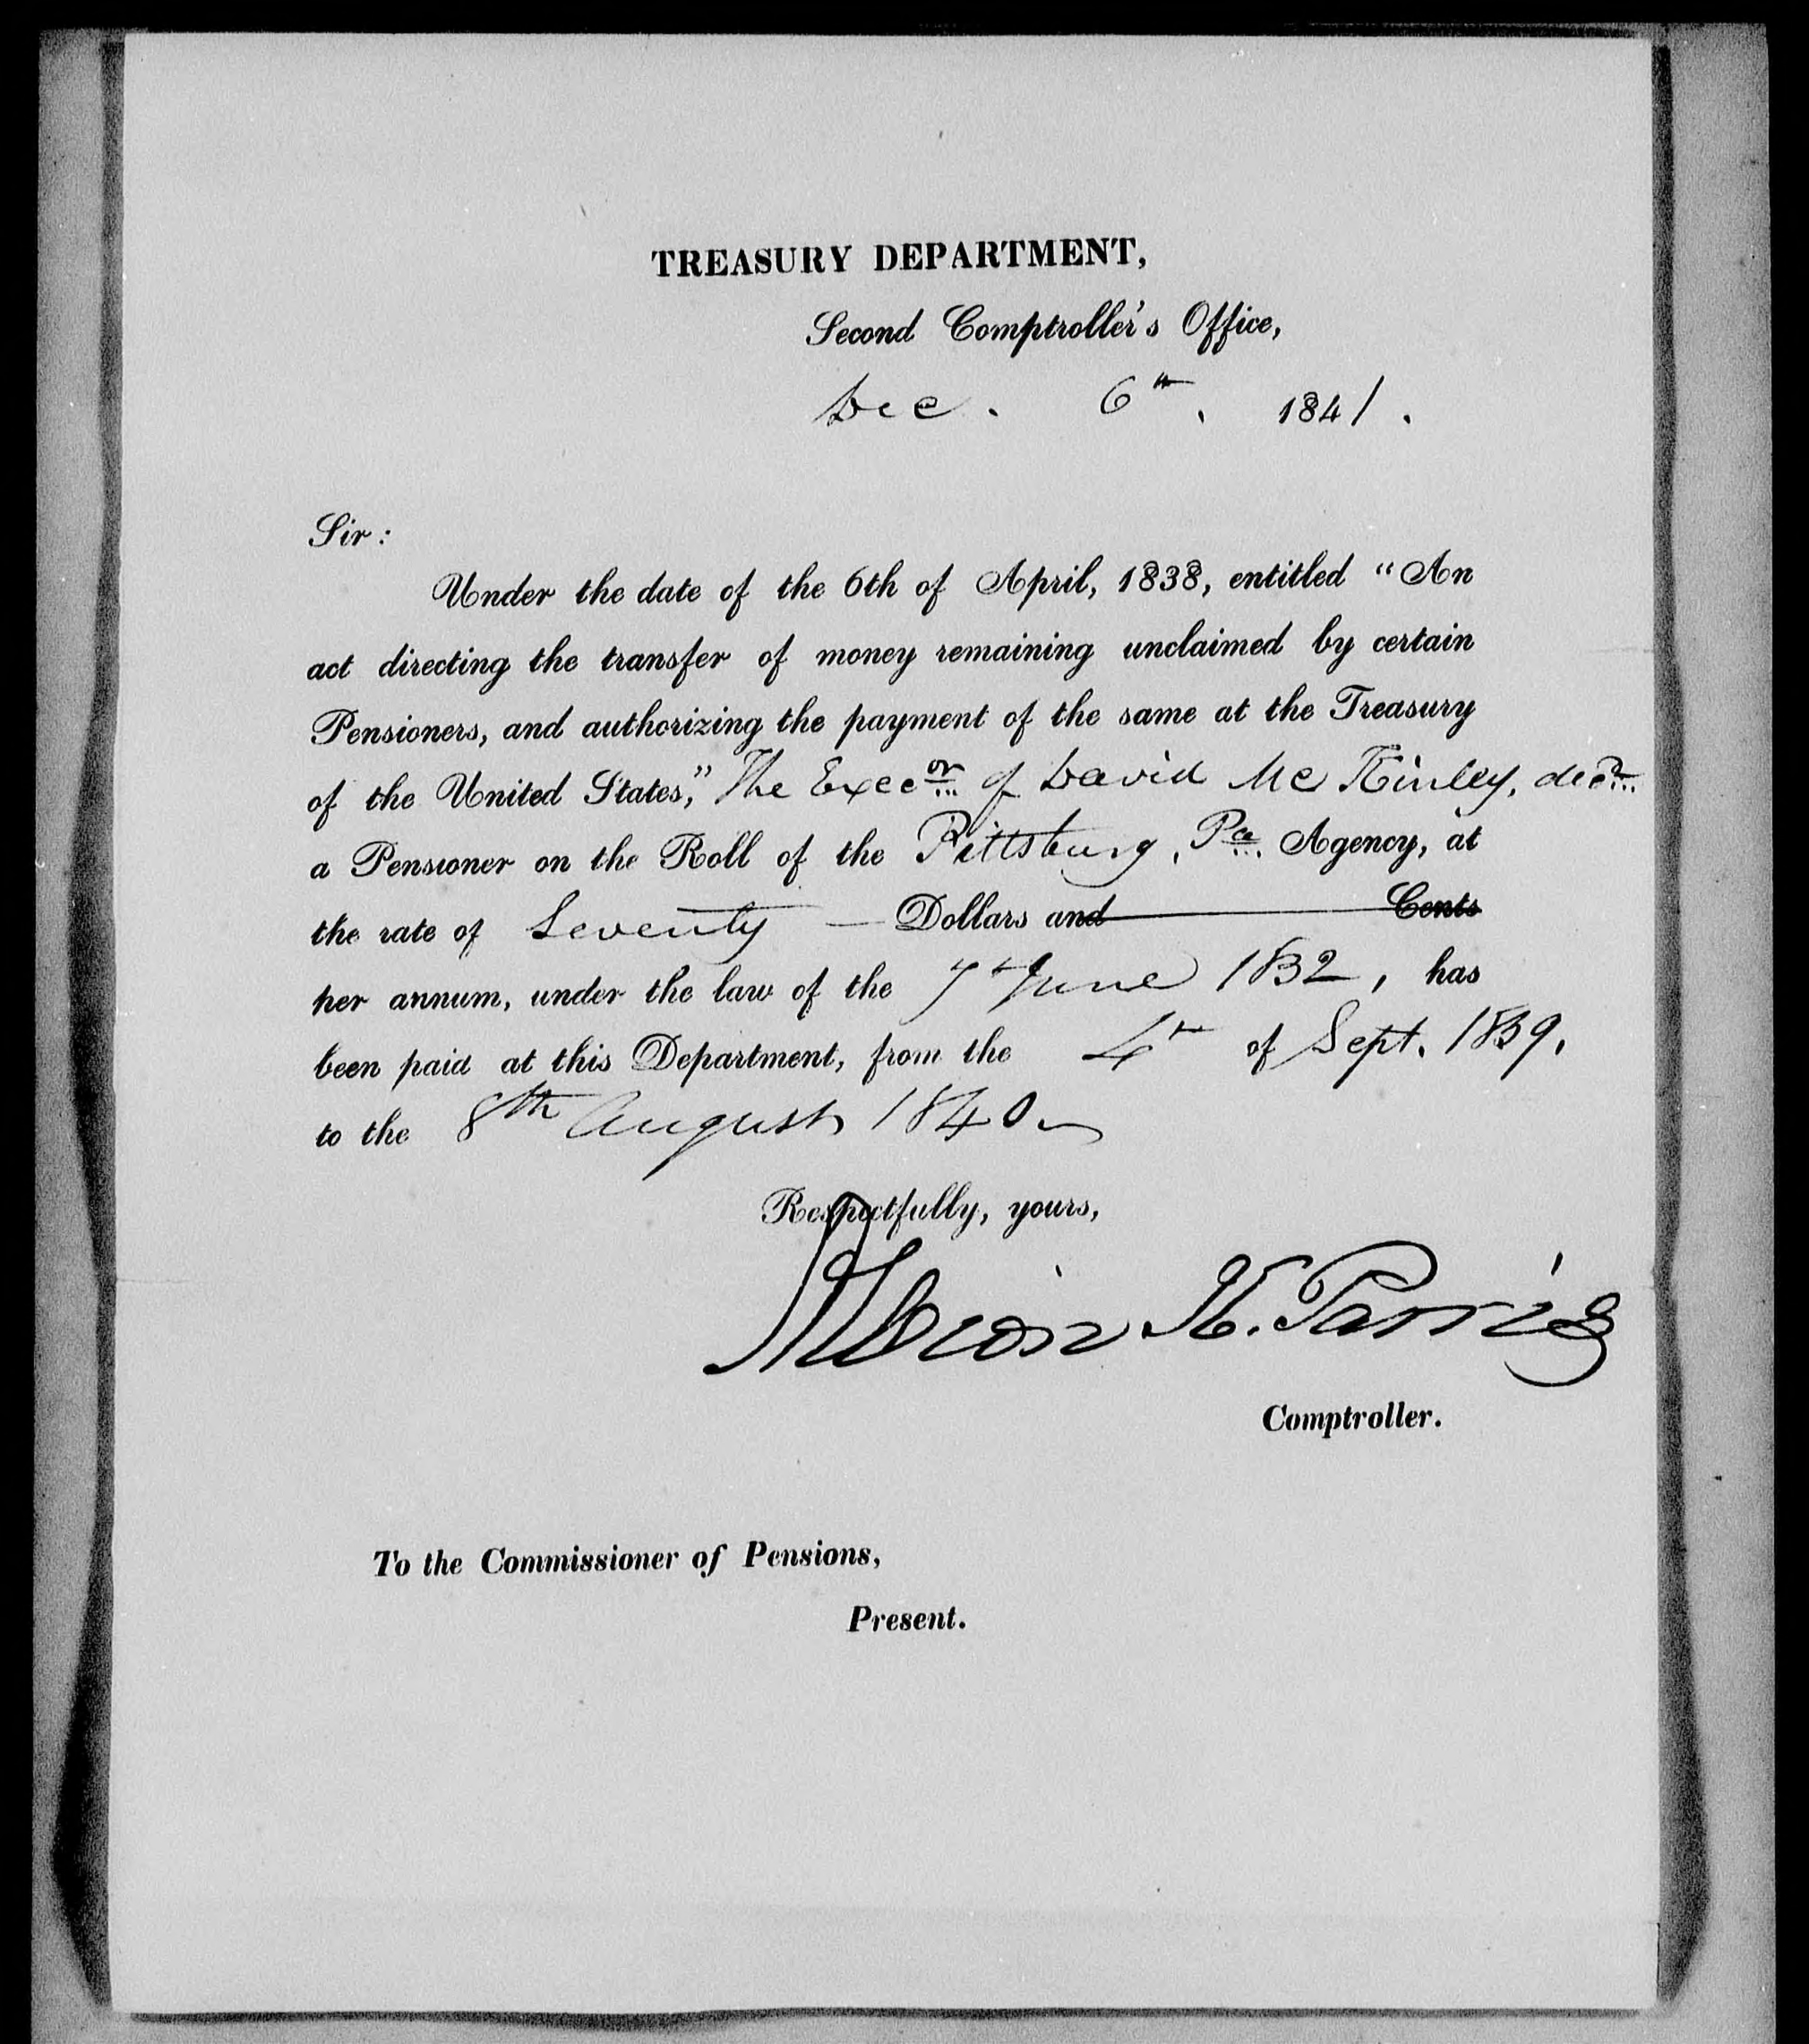TREASURY DEPARTMENT,
Second Comptroller's Office,
Dec. 6th 1841

Sir:
Under the date of the 6th of April, 1838, entitled "An
act directing the transfer of money remaining unclaimed by certain
Pensioners, and authorizing the payment of the same at the Treasury
of the United States, The Exec'or of David McKinley, decd.
a Pensioner on the Roll of the Pittsburg, Pa. Agency, at
the rate of Seventy Dollars and [crossed out]-- Cents
per annum, under the law of the 7th June 1832, has
been paid at this Department, from the 4th of Sept. 1839,
to the 8th August 1840.

Respectfully, yours,
Albion H. Parris
Comptroller.

To the Commissioner of Pensions,
Present.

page: 3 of 39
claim: survivor's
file: S. 2812, for David Mc Kinley, Pennsylvania